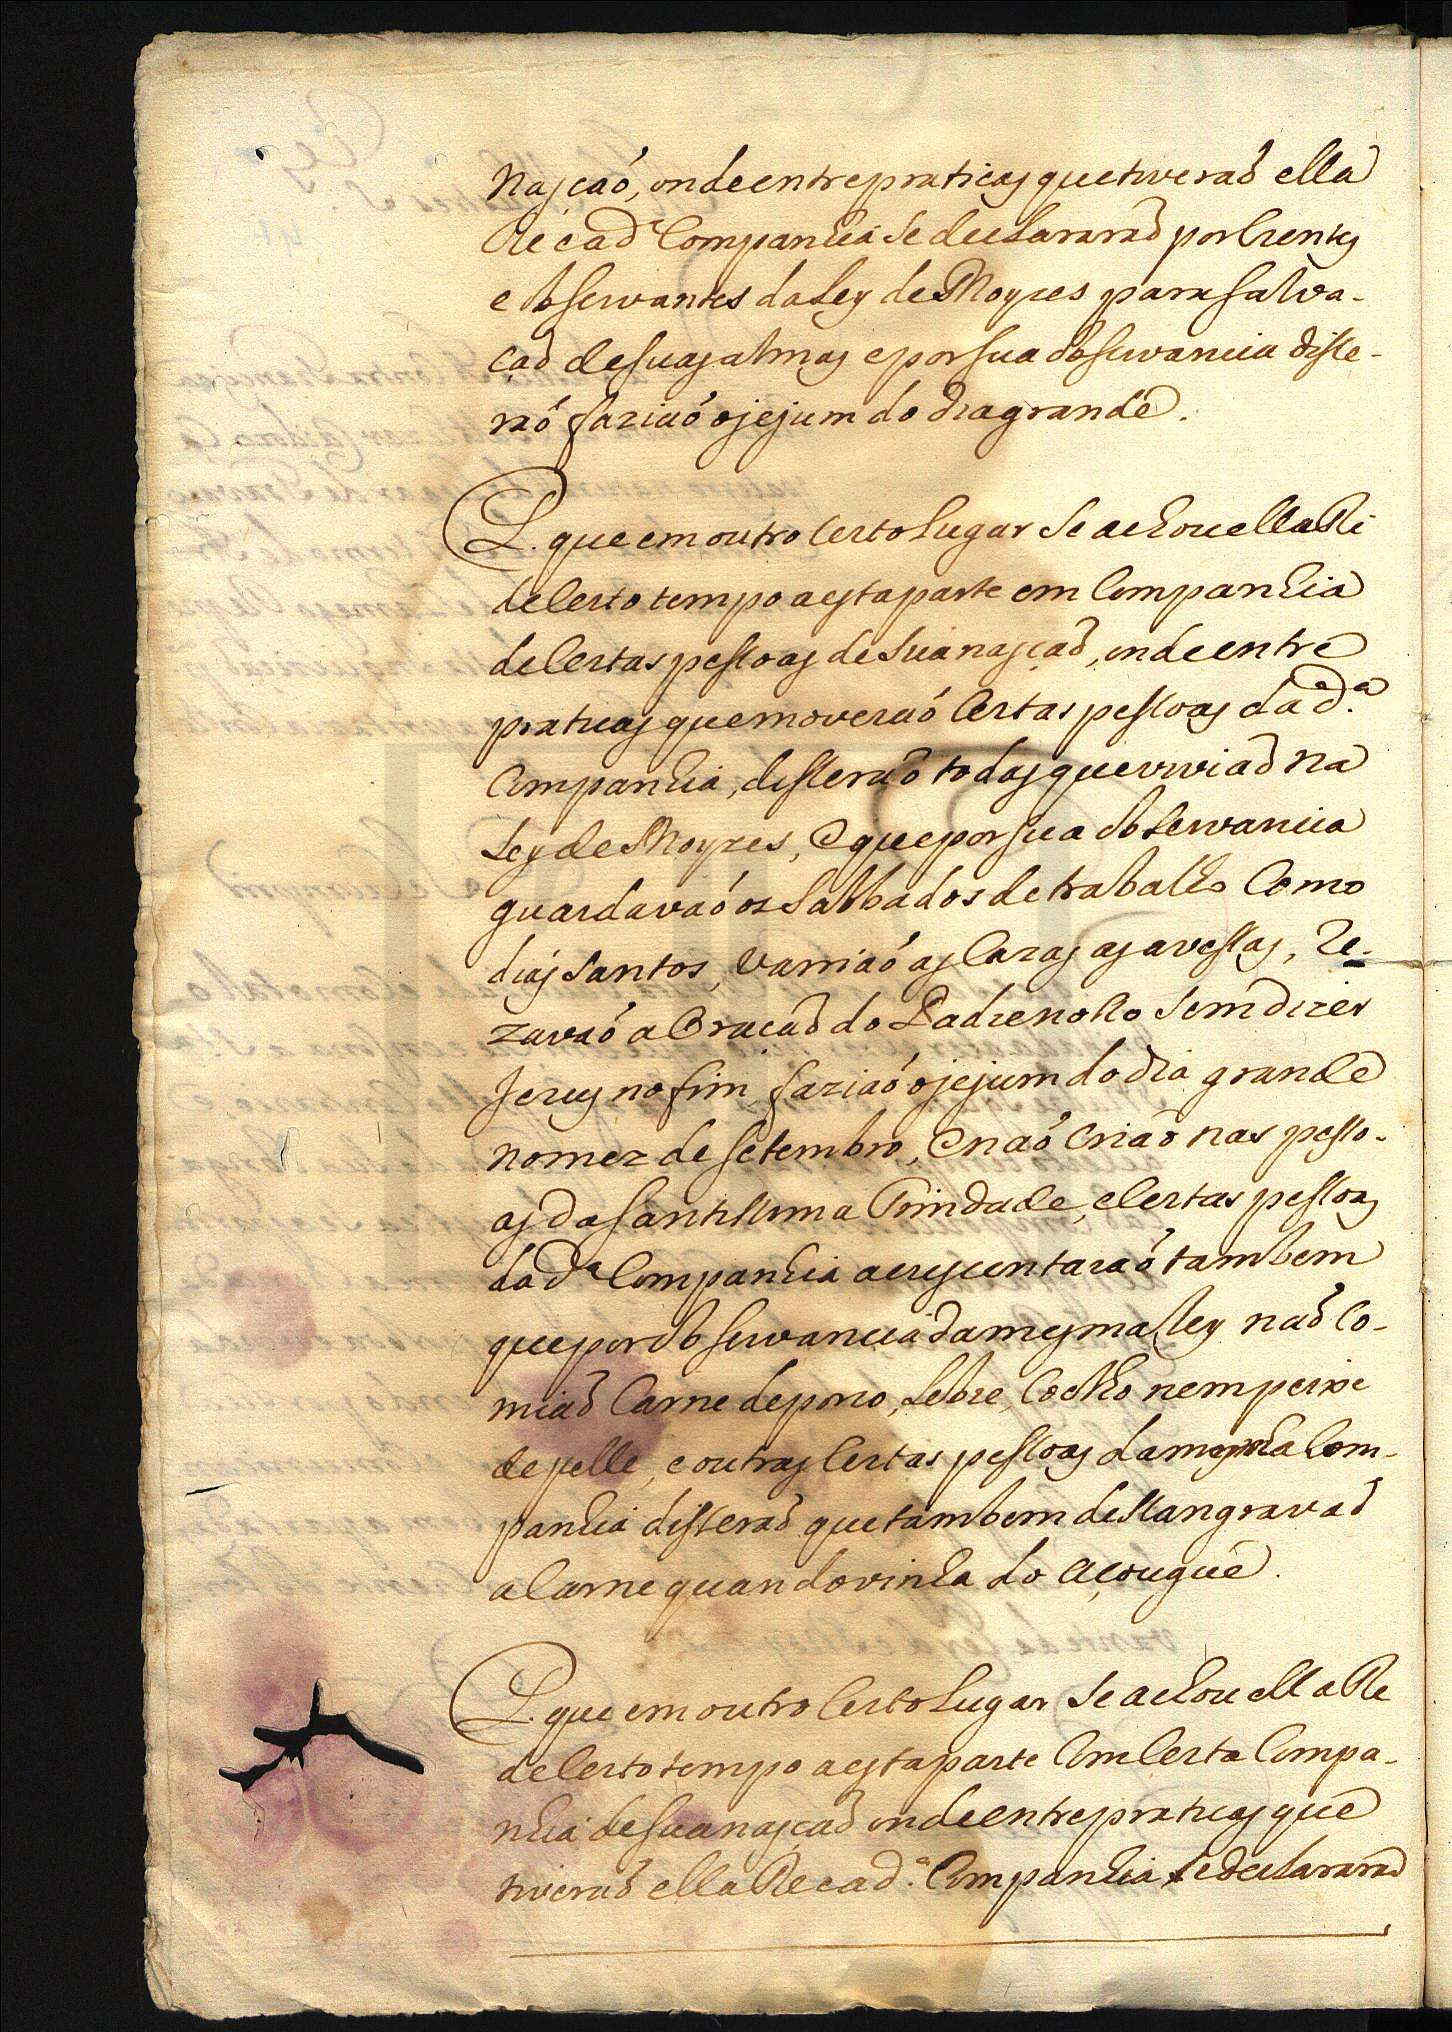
nasçaõ, onde entre praticas que tiveraõ ella
Re e a d̄ companhia se declararaõ por crentes
e observantes da Ley de Moyzes para salva
çaõ de suas almas e por sua observancia disse
raõ faziaõ o jejum do dia grande.
P. que em outro certo Lugar se achou ella Ré
de certo tempo a esta parte em companhia
de certas pessoas de sua nasçaõ, onde entre
praticas que moveraõ certas pessoas da d.a
companhia, disseraõ todas que viviaõ na
Ley de Moyzes, e que por sua observancia
guardavaõ os Sabbados de trabalho como
dias santos, varriaõ as cazas as avessas, Re
zavaõ a Oraçaõ do Padre nosso sem dizer
Jezus no fim, faziaõ o jejum do dia grande
no mez de setembro, e naõ criaõ nas pesso
as da santissima Trindade, e certas pessoas
da da companhia acrescentaraõ tambem
que por observancia da mesma ley naõ co
miaõ carne de porco, Lebre, coelho nem peixe
de pelle, e outras certas pessoas da mesmha com
panhia disseraõ que tambem dessangravaõ
a carne quando vinha do açougue.
P. que em outro Certo Lugar se achou ella Re
de certo tempo a esta parte com certa compa
nhia de sua nasçaõ onde entre praticas que
tiveraõ ella Re e a d.a companhia se declararaõ
